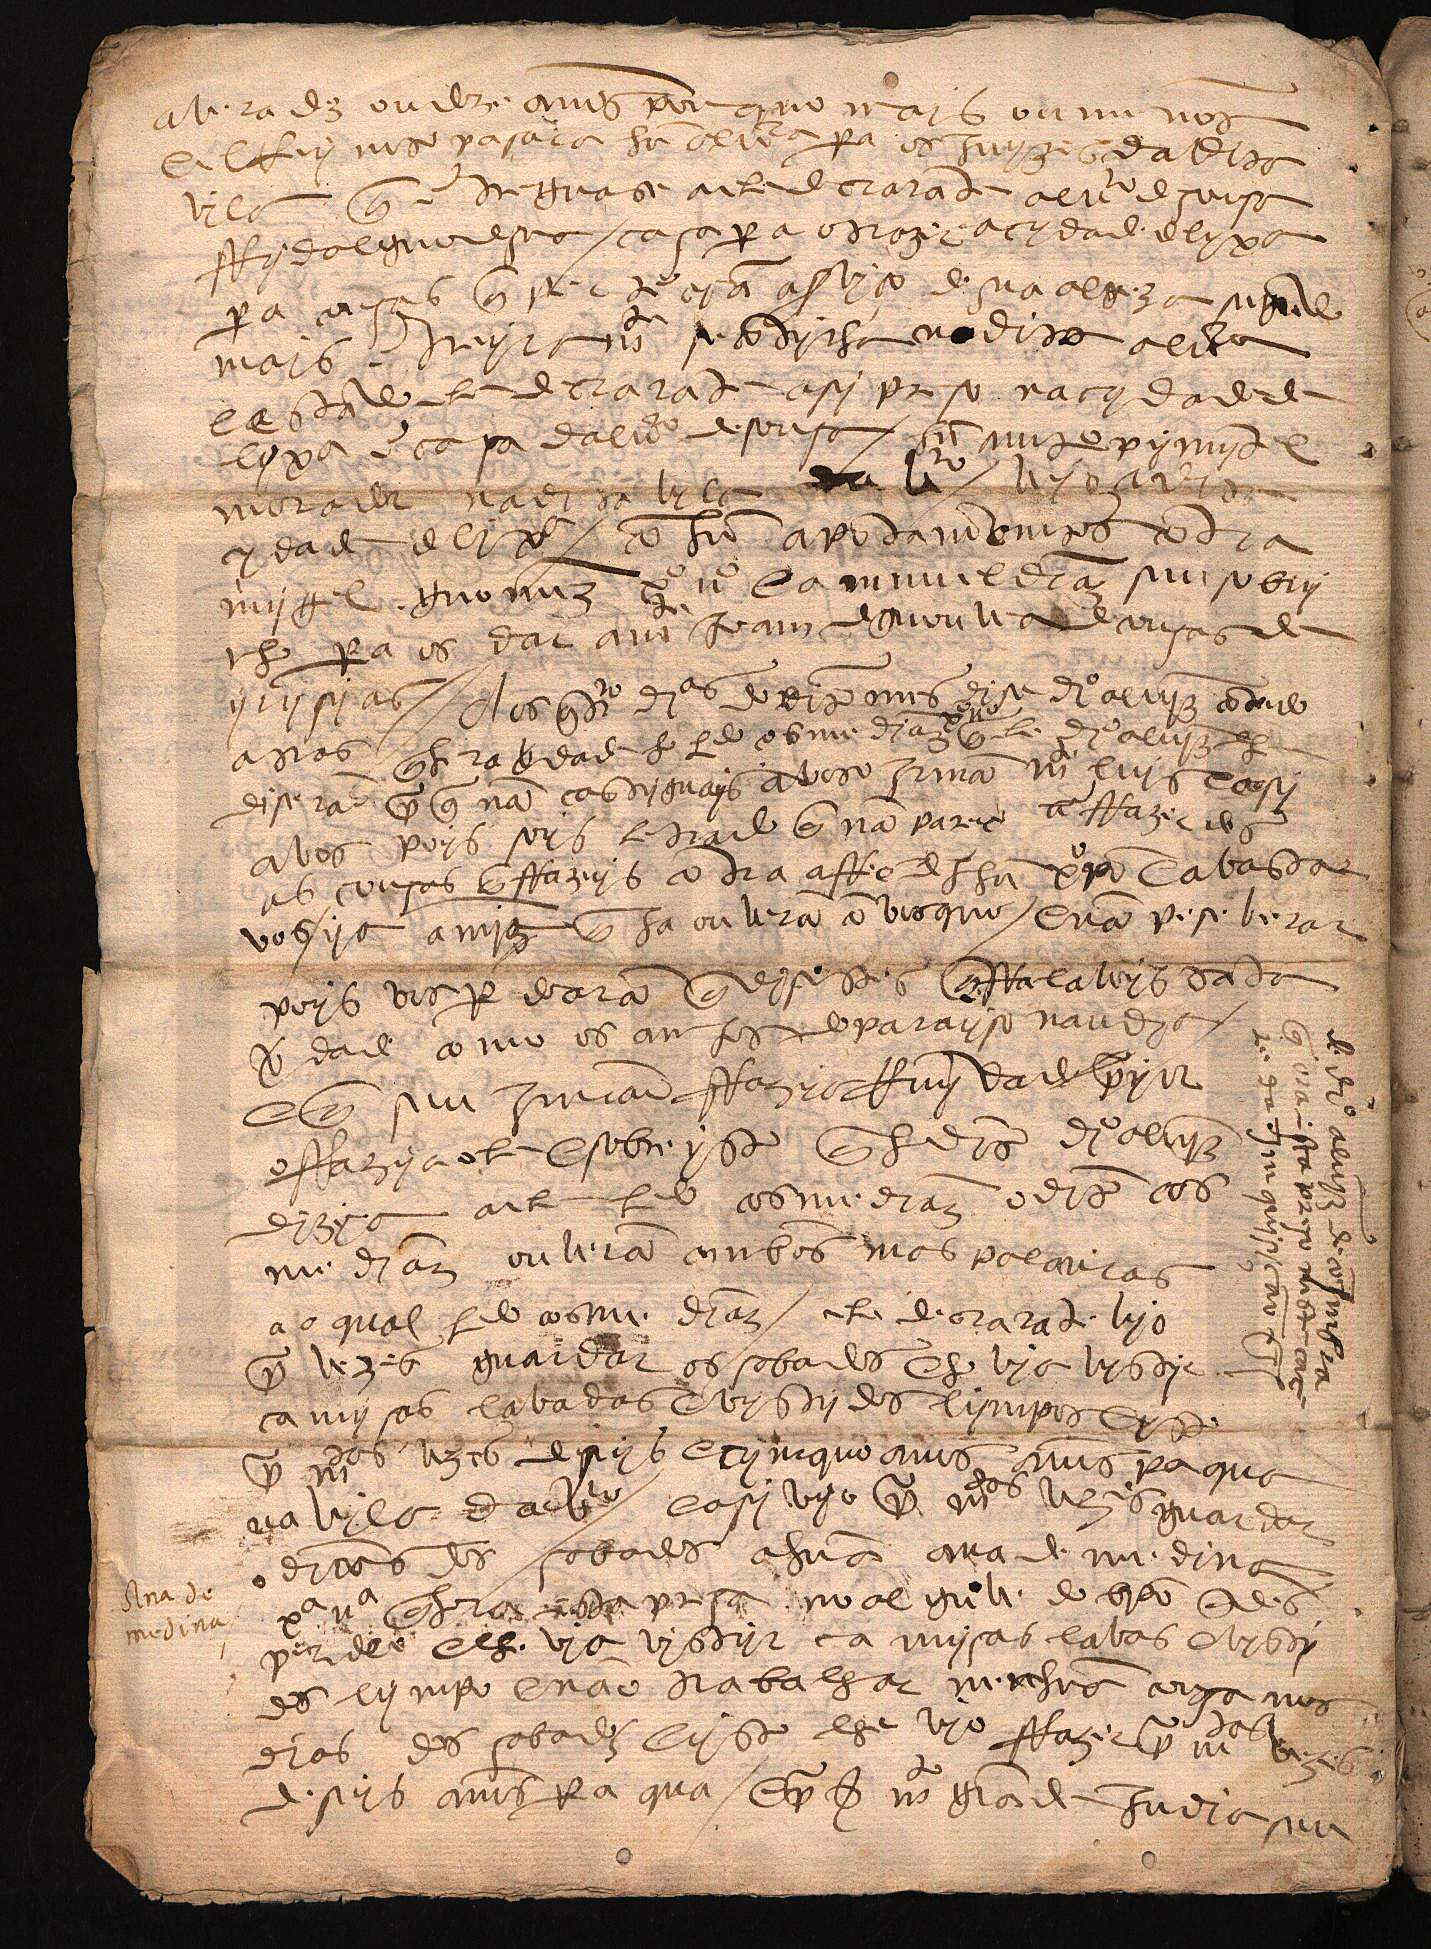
avera dez ou doze anos pouquo mays ou menos
e el Rey niso pasara hū alura ꝑa os Juyzes da dita
vyla q̄ ētreguase a ele decrarāte aluro de sousa
ffydalguo de sua / casa ꝑa o trazer a cydade lyxa
ꝑa cousas q̄ pertēcyā a ꞩvyço de sua alteza segūdo
majs ēteyramte se cōtynha no dito alura
e estādo ele decrarāte asy preso na cydade de
lyxa ē casa daluro de sousa / hū amto pymȳtel
morador na dita vyla davro / veyo a dita
cydade de lixa / c̄o hū apōtamemtos cōtra
mygel guomez xo no e a manuel diaz seu sobry
nho ꝑa os dar a mte Joam de guouvea de cousas de
yrysyas / Aos q̄trro djas do dito mes dise djo alur̄z cōtado
xo no
atras q̄ hera ꝟdade ho Ldo cosme diaz
q̄ ele djo alur̄z lhe
diserão p̄oq̄ não castyguays a voso Jrmão mte lujs e asy
a vos poys soys letrado q̄ nā parece bē ffazerdes
as cousas q̄ ffazeys cōtra a ffee de Jhū xopō e abastar
vos / ya a m̄ja q̄ Ja ouverão cōvosquo / e nā peseverar
poys vos ꝑdoarão q̄ dysestes q̄ ffalaveys sāta
ꝟdade como os anJos do parayso naudja
e q̄ seu Jrmão ffazya Ruȳdade pyor
o ffazya ele e sobre ysto q̄ ho dito djo alur̄z
dyzya a ele Ldo cosme diaz o dito cos
me diaz ouverão ambos mas palauras
ao qual Ldo cosme diaz / ele decrarāte vyo
p̄o vezes guardar os sabados e ho vya vystyr
camysas lavadas e vystydos lympos e ysto
p̄o mtas vezes de seys e cymquo anos anos pa qua
na vyla davro / e asy vyo p̄o mtas vezes guardar
o dias dos sabados a huā ana de medina
Ana de
medina
xa na q̄ hora esta presa no algube do bpō q̄ des
perdeo e lhe vya vystyr camysas lavas e vysty
dos lympo e não trabalhar nenhuā cousa nos
dias dos sabados e ysto lhe vyo ffazer p̄o mtas vezes
de seys anos ꝑa qua / e p̄o ꞩ mto grāde Judia seu
